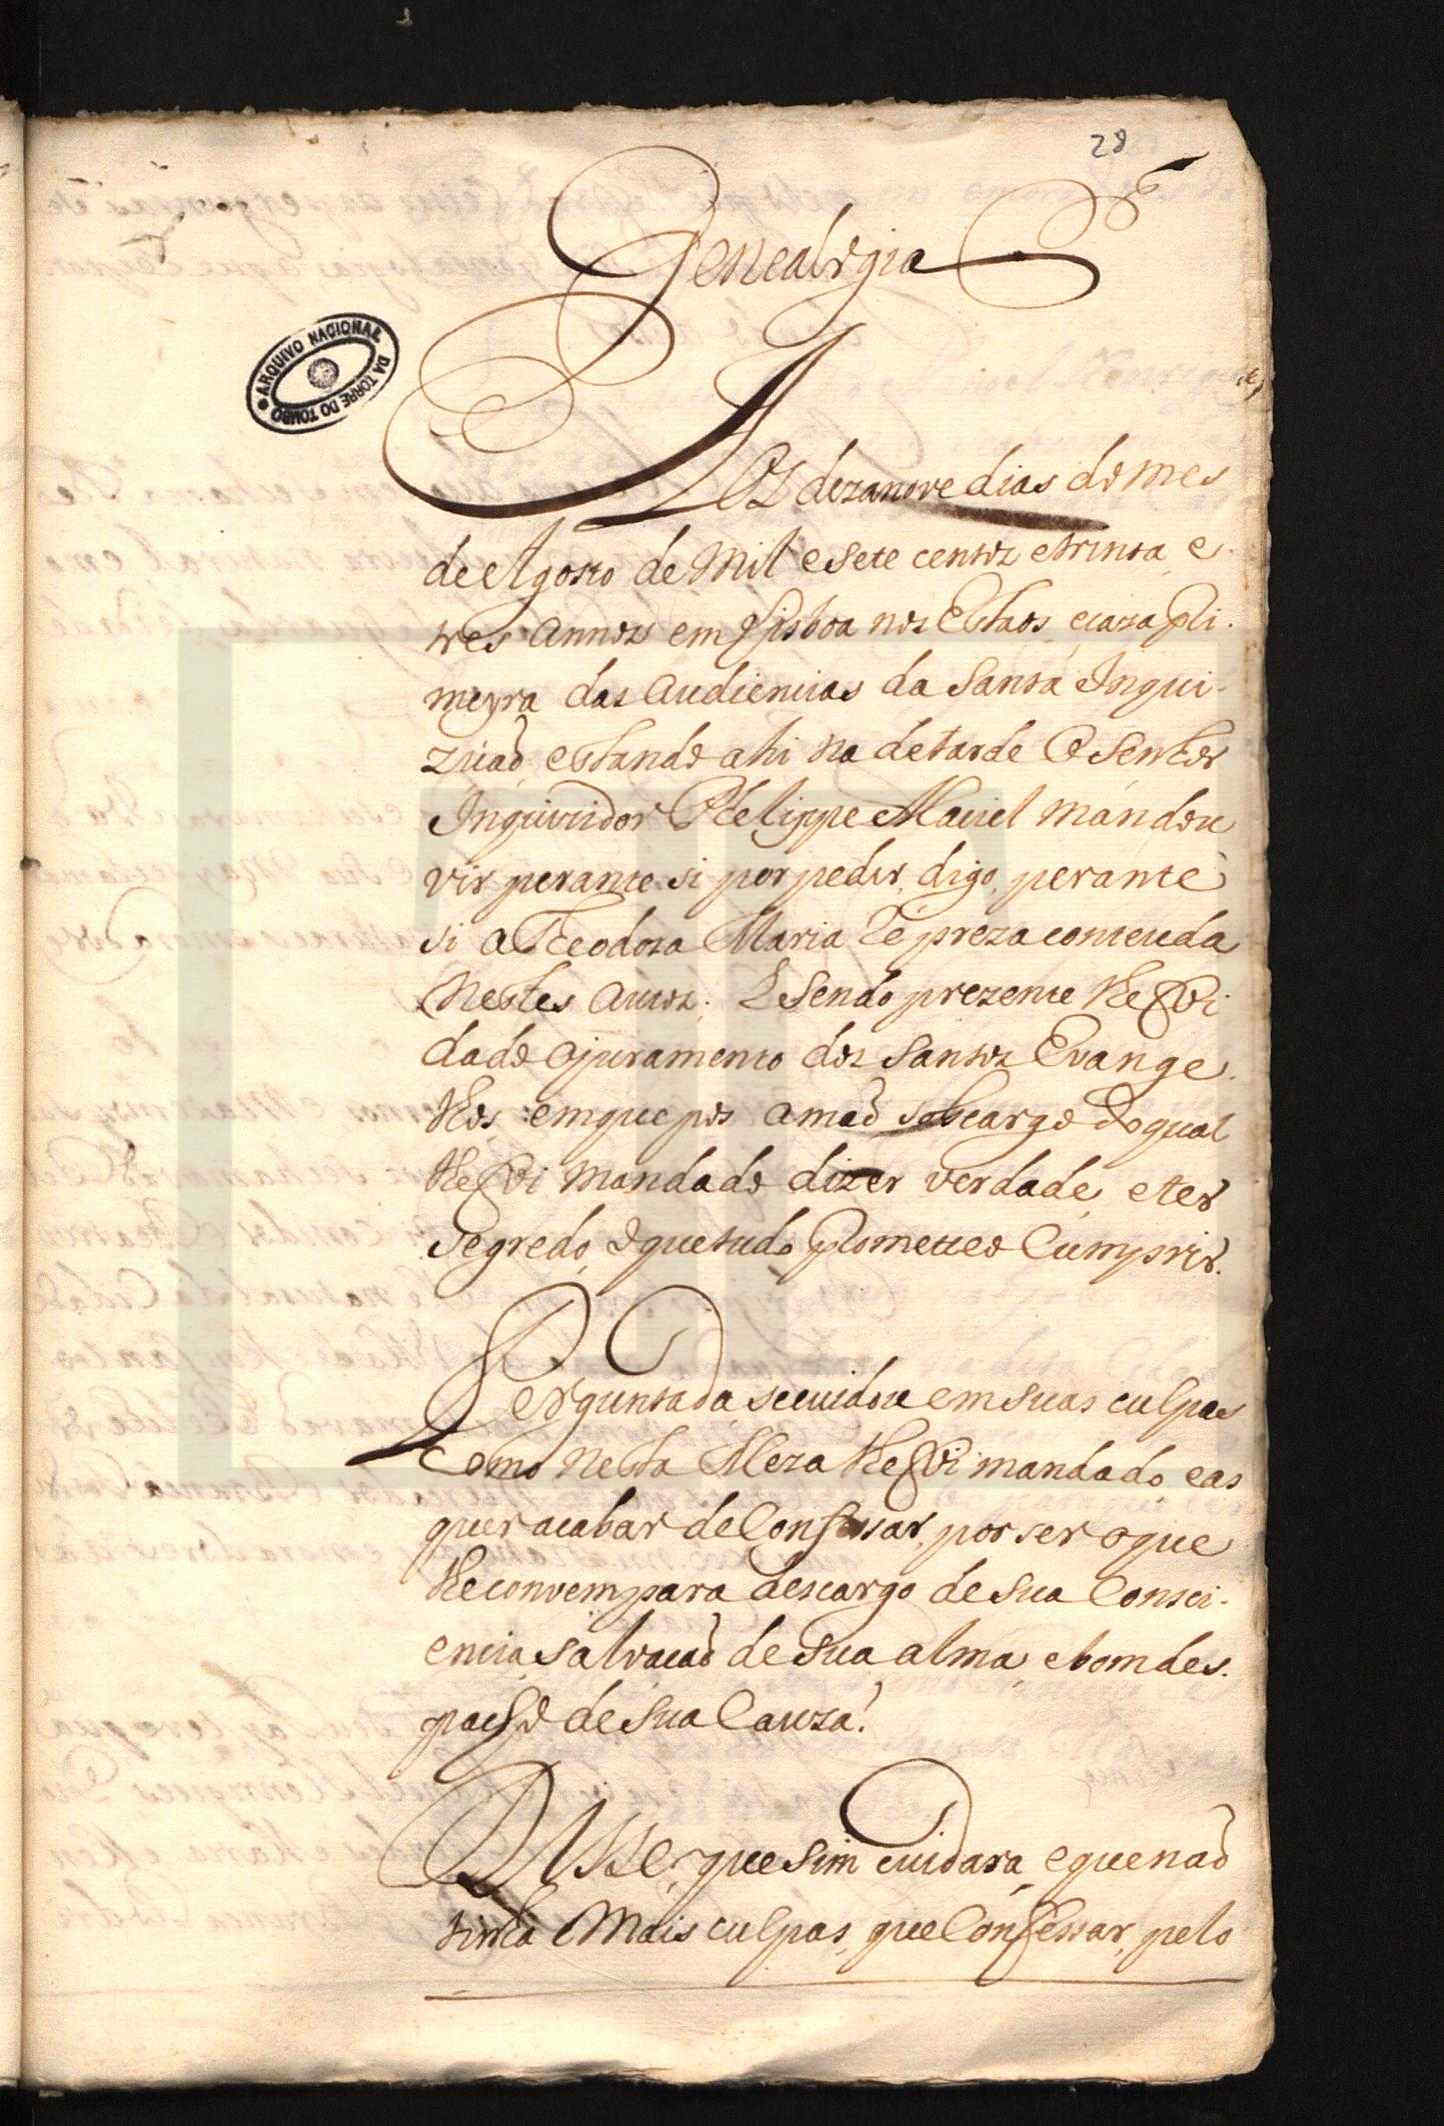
Genealogia
Aos dezanove dias do mes
de Agosto de mil e setecentoz e trinta, e
tres annos em Lisboa nos Estaos, e caza pRi
meyra das audiencias da Santa Inqui
ziçaõ, estando ahi na de tarde O Senhor
Inquizidor Phelippe Maciel mandou
vir perante si por pedir, digo, perante
si, a Theodora Maria Ré preza conteuda
nestes autoz; E sendo prezente lhe foi
dado o juramento dos Santoz Evange
lhos em que pos a maõ sob cargo do qual
lhe foi mandado dizer verdade, e ter
Segredo o que tudo prometteo cumprir.
Perguntada se cuidou em suas culpas
Como nesta Meza lhe foi mandado e as
quer acabar de confessar por ser o que
lhe convem para descargo de sua Consci
encia salvaçaõ de sua alma, e bom des
pacho de sua cauza?
Disse que sim cuidara, e que naõ
tinha mais culpas que Confessar, pelo
